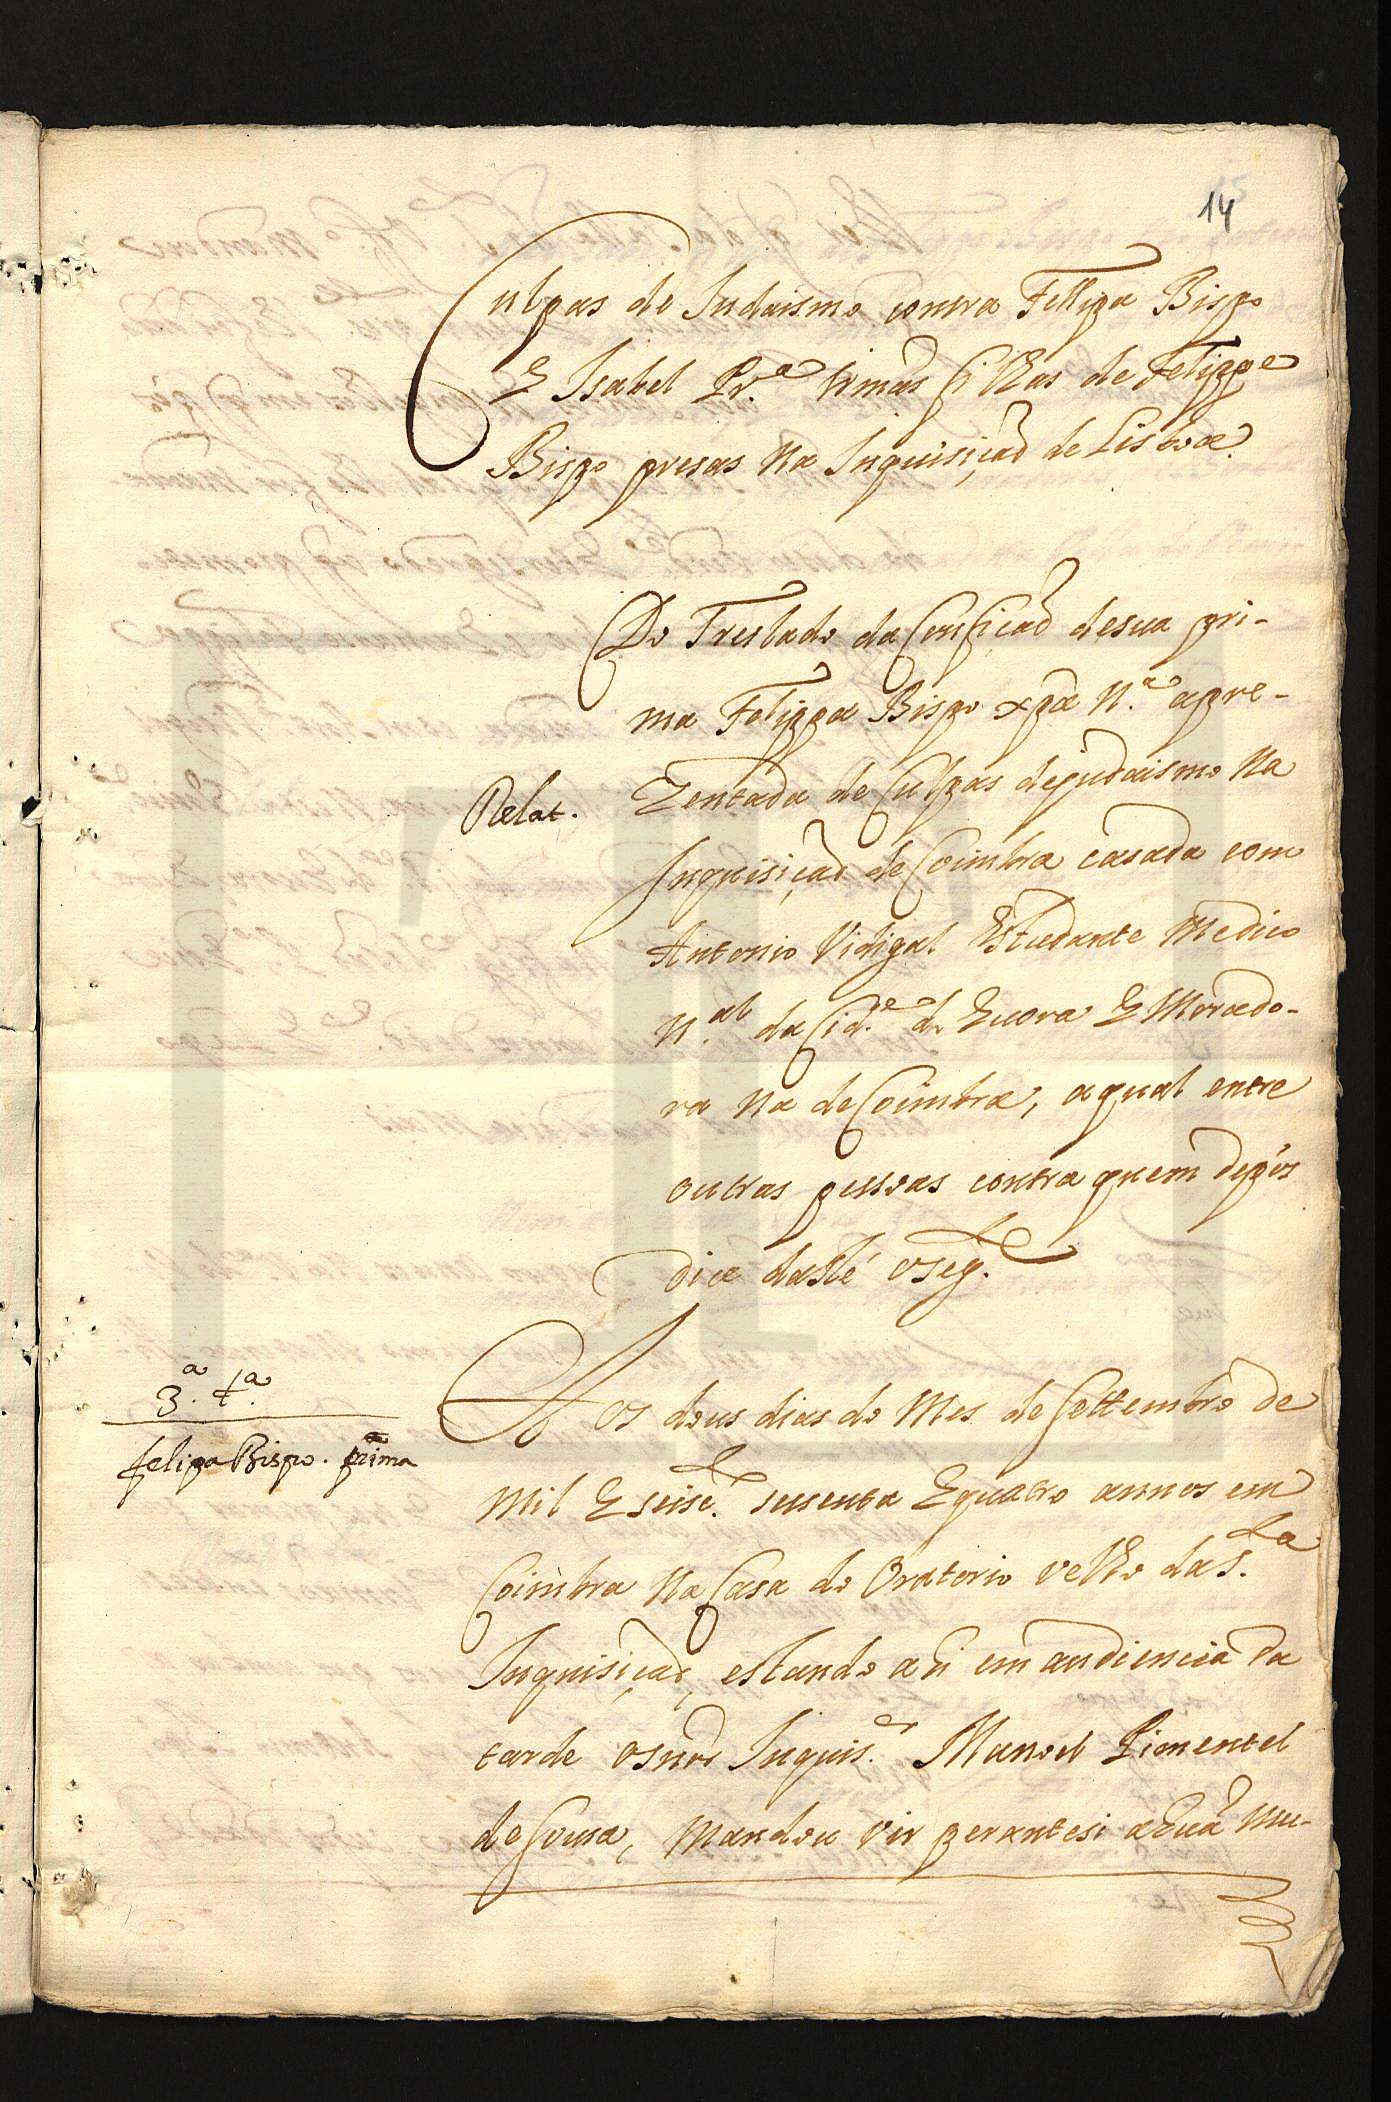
Culpas de Iudaismo contra Fellipa Bispo
E Isabel Pr.a Irma̅s filhas de Felippe
Bispo presas na Inquisição de Lisboa.
Do Treslado da Confição de sua pri
ma Felippa Bispo xpa̅ n.a apre
Zentada de Culpas de judaismo na
Jnquisição de Coimbra casada com
Antonio Vidigal Estudante medico
n.al da Cid.e d. Euora E Morado
ra na de Coimbra, a qual entre
outras pessoas contra quem depo̅s
dice da Ré o seg.te
Aos dous dias do Mes de Settembro de
mil E seiscto. sessenta E quatro annos em
Coimbra na Casa do Oratorio velho da s.ta
Inquisição, estando ahi em audiencia da
tarde o sno̅r Inquis.or Manoel Pimentel
de Sousa, mandou vir perante si a huā mu
